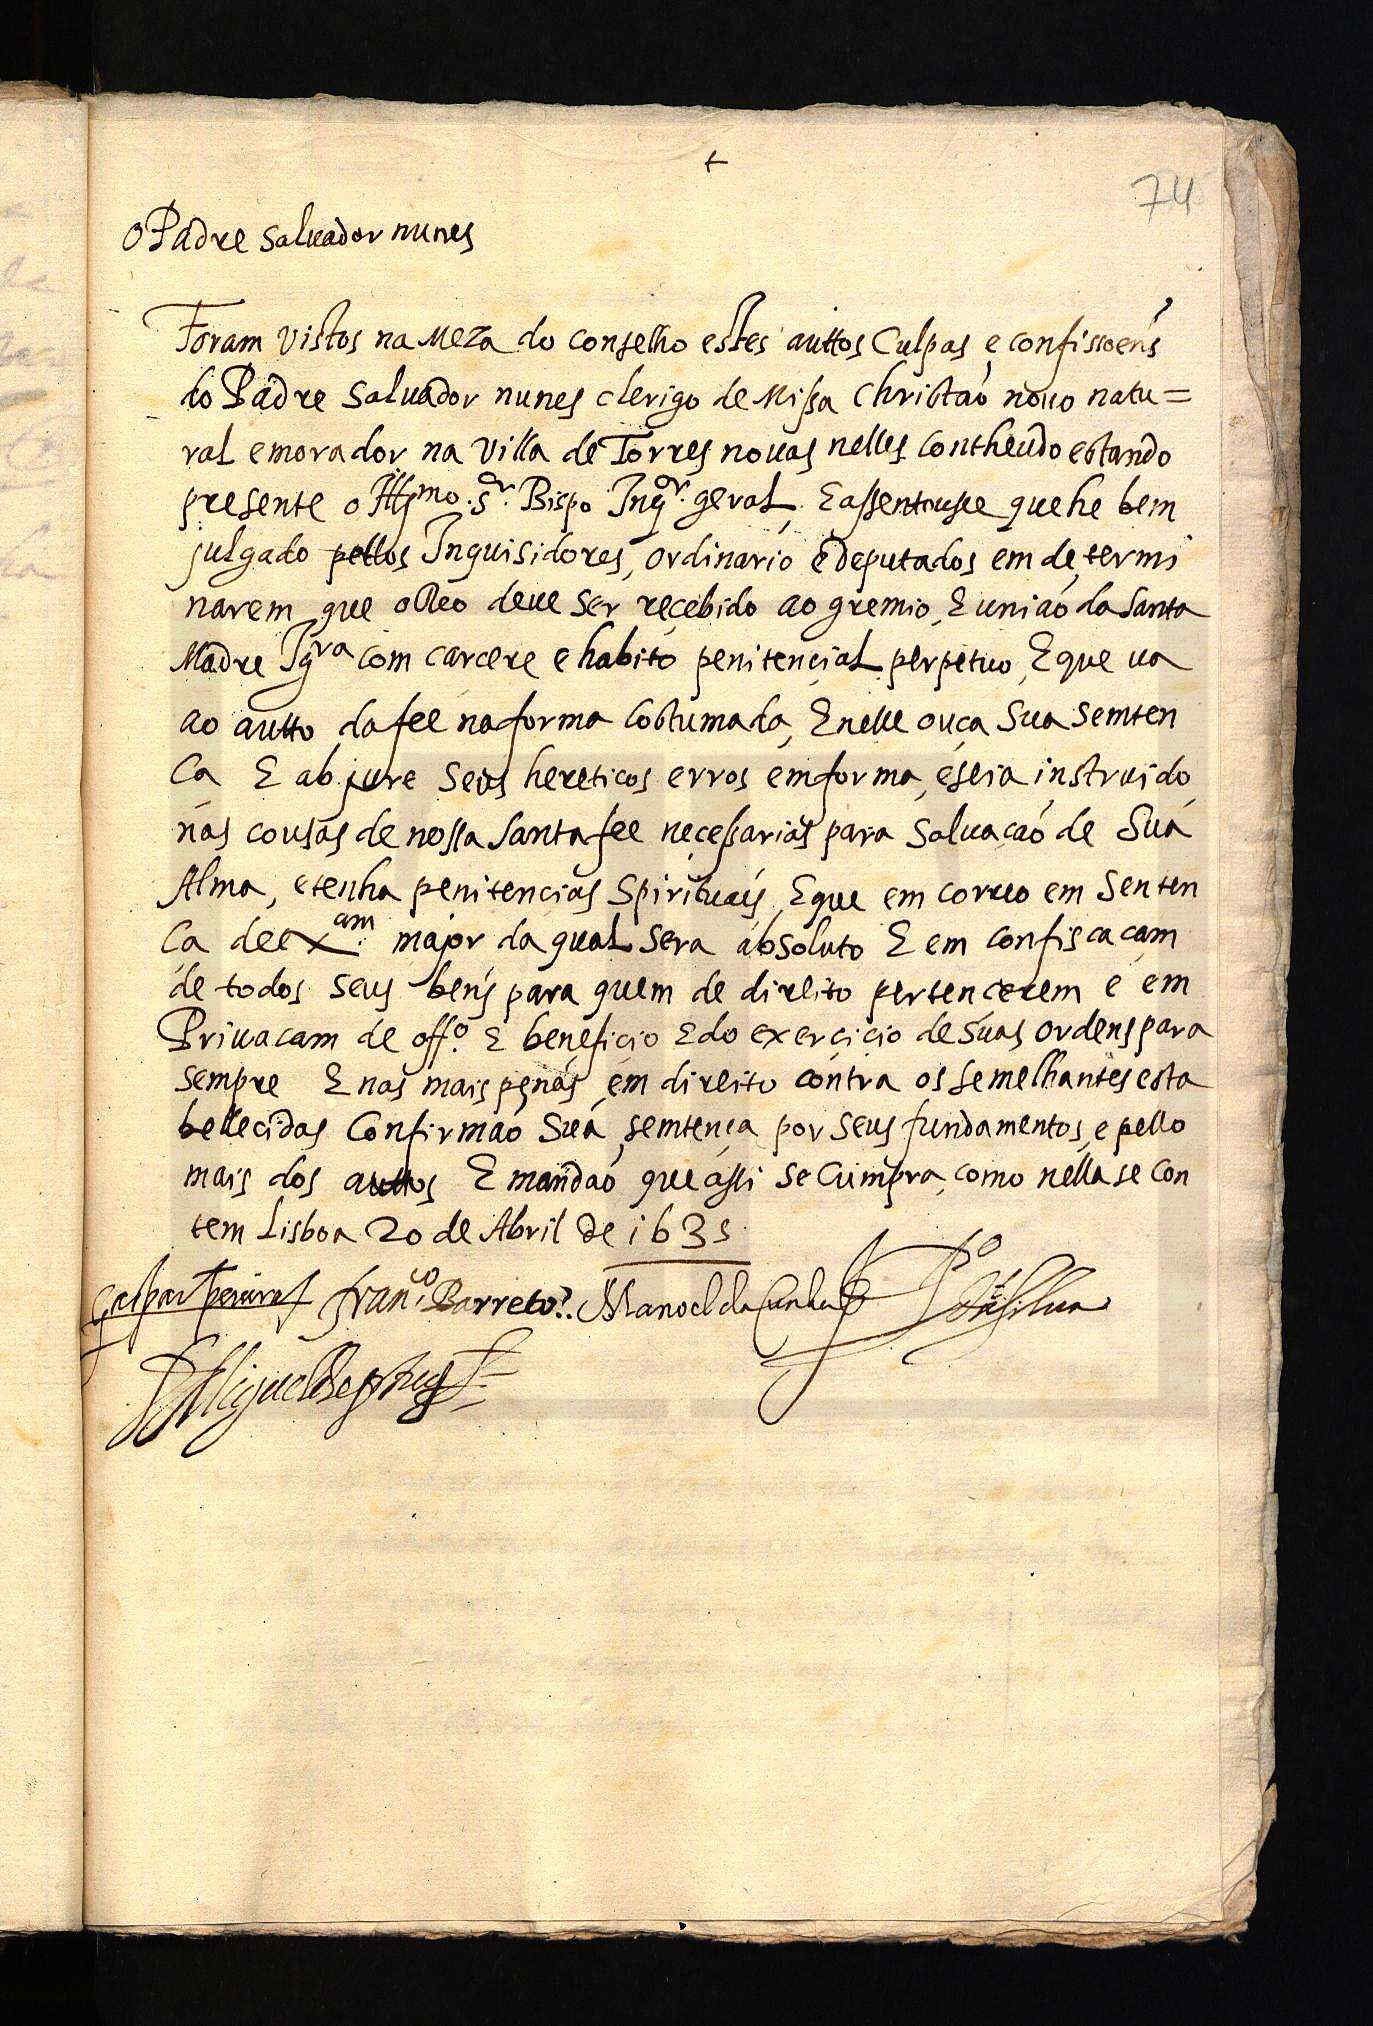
O Padre Saluador nunes
Foram vistos na Meza do conselho estes auttos Culpas e confissoens
do Padre Saluador nunes clerigo de Missa Christaõ nouo natu
ral e morador na villa de Torres nouas nelles contheudo estando
presente o Illꝭmo. sor. Bispo Inqor. geraL, E assentousse que he bem
julgado pellos Inquisidores, ordinario e deputados em determi
narem que o Reo deue ser reçebido ao gremio, E uniaõ da Santa
Madre Igra com carcere e habito penitençiaL perpetuo, E que ua
ao autto da fee na forma costumada E nelle ouça sua semten
ca E abjure seus hereticos erros em forma, e seia instruido,
nas cousas de nossa Santa fee neçessarias para saluação de Sua
Alma, e tenha penitencias Spirituais, E que emcorreo em Senten
ça de exam. major da quaL sera absoluto E em confiscaçam
de todos seus bens para quem de direito pertençerem e em
Priuacam de off.o E benefiçio E do exerçicio de suas ordens para
sempre E nas mais penas em direito contra os semelhantes esta
bellecidas Confirmaõ Sua semtença por seus fundamentos, e pello
mais dos auttos E mandaõ que assi se cumpra, como nella se con
tem Lisboa 20 de Abril de i635
